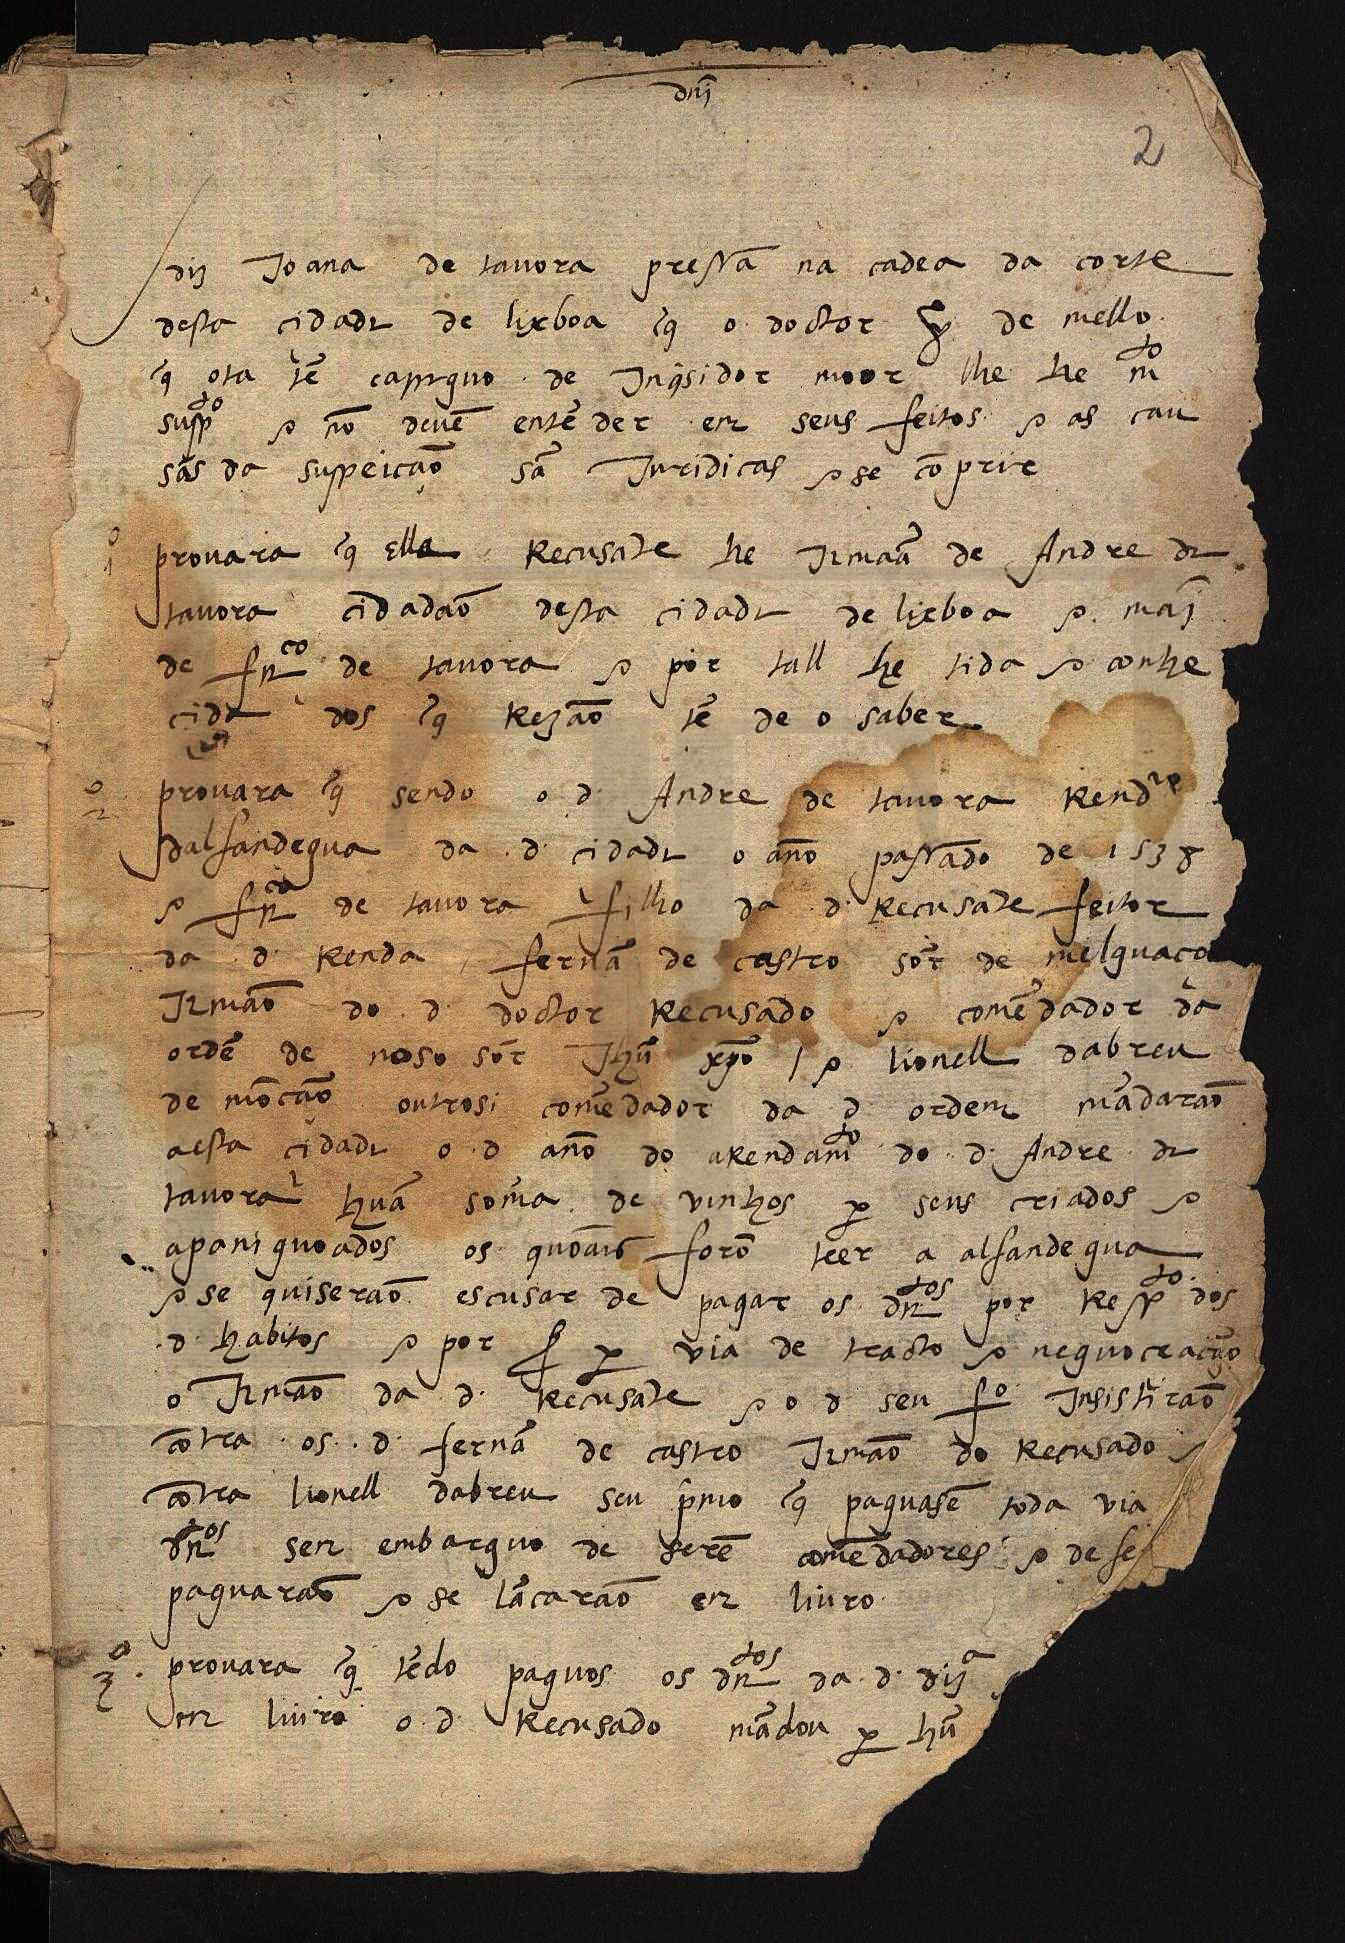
1o
2o
3o.
dnj̄
diz Joana de tauora pressa na cadea da corte
desta cidade de lixboa q̄ o doctor yo de mello
q̄ ora tē carreguo de Jnq̄sidor moor lhe he mto
suspto e nō deue entēder em seus feitos e as cau
sas da suspeição sā Juridicas e se cōprir
prouara q̄ Ella Recusāte he Jrmaā de Andre de
tauora cidadão desta cidade de lixboa e maȷ̃
de frrco de tauora e por tall he tida e conhe
cida dos q̄ Rezão tē de o saber
prouara q̄ sendo o d. Andre de tauora Rendro
dalfandegua da d. cidade o an̄o passado de 1538
e frrco de tauora filho da d. Recusāte feitor
da d. Renda / fernā de castro sor̄ de melguaço
Jrmão do d. doctor Recusado e comēdador da
ordē de noso sōr Jhū xp̄o / e lionell dabreu
de mōção outrosi comēdador da d ordem mādarão
a esta cidade o d. an̄o do aRendamto do d. Andre de
tauora huā som̄a de vinhos ꝑ seus criados e
apaniguoados os quoais forō teer a alfandegua
e se quiserão escusar de pagar os drrtos por Respto dos
d. habitos e por e ꞩ via de tracto de neguociação
o Jrmão da d. Recusāte e o d seu fo Jnsistirão
c̄otra os d fernā de castro Jrmão do Recusado
cōtra lionell dabreu seu p̄mo q̄ paguasē todavia
drrtos sem embarguo de serē com̄edadores e de se
paguarão e se lāçarão em liuro
prouara q̄ tēdo paguos os drrtos da d. diza
em liuro o d. Recusado mādou ꝑ hū
